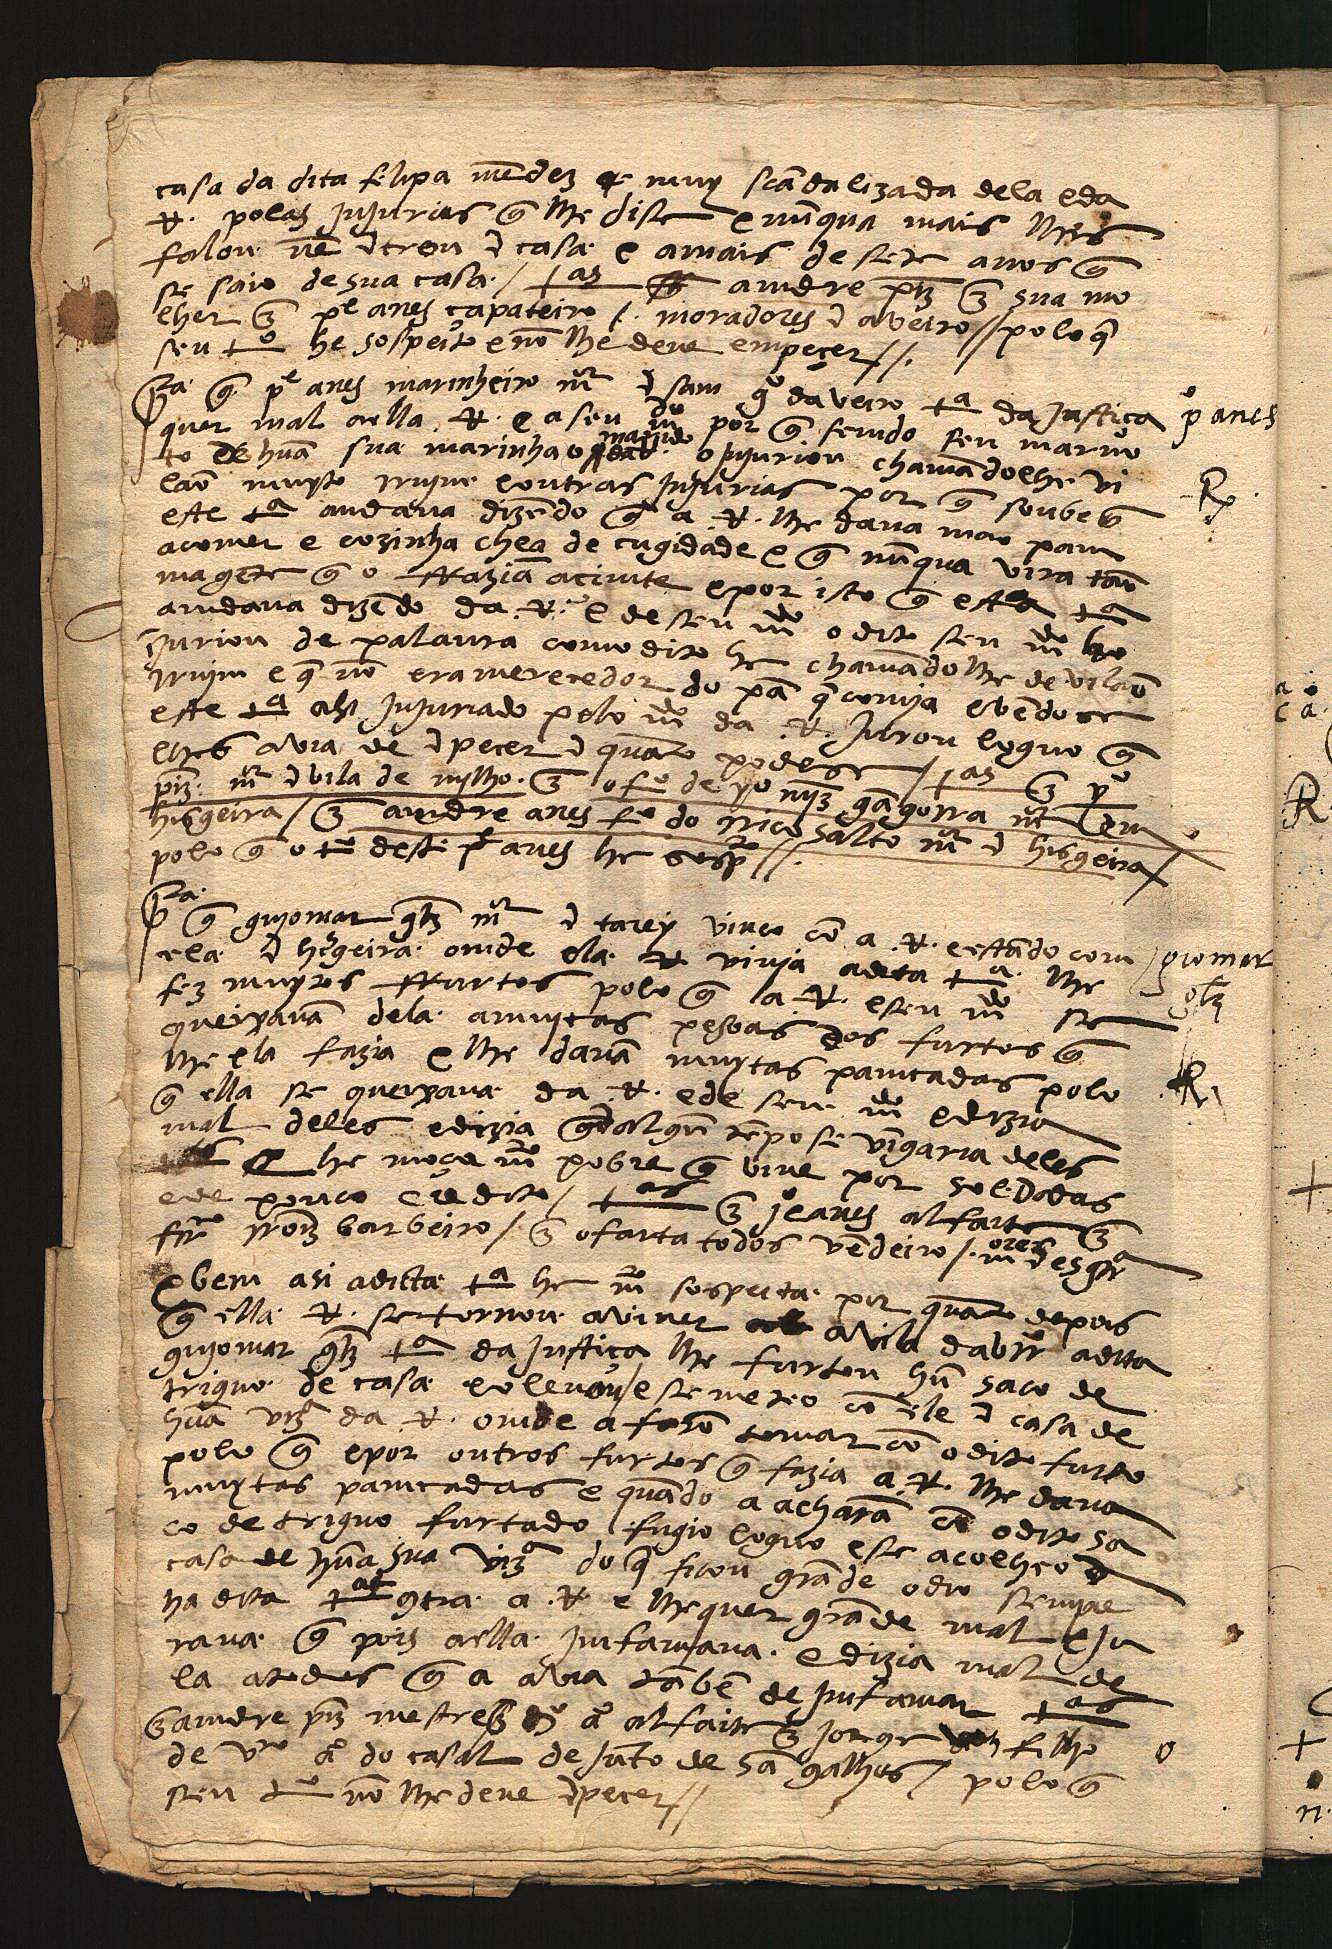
casa da dita filipa m̄edez _ muy scādalizada dela e da
R. polas Jnjurias q̄ lhe dise e nūqua mais lhes
falou n̄e ētrou ē casa e a mais de sete anos q̄
se saio de sua casa / tas st amdre p̄iz item sua mo
lher item pe anes çapateiro / moradores ē aveiro // polo q̄
seu to he sospeito e n̄o lhe deue empeçer //.
Pra q̄ pe anes marinheiro mor ē sam go daveiro ta da Justiça
quer maL a ella R e a seu mdo porq̄ semdo seu marno
to de hūa sua marinha o marido
da R o Jnjuriou chamādolhe vi
Rꝭ
laõ muyto rrujm e outras Jnjurias porq̄ soube q̄
este ta andaua dizēdo q̄ a R lhe daua mao pam
a comer e cozinha chea de cugidade e q̄ nūqua vira tão
ma gēte q̄ o ffaziā açimte e por isto q̄ esta ta
amdaua dizēdo da R e de seu mdo o dito seu mdo ho
ījuriou de palaura como dito he chamādo lhe de vilaõ
rrujm e q̄ n̄o era merecedor do pā q̄ comja e vēdo se
este ta asi Jnjuriado pelo mdo da R Jurou loguo q̄
lhes avia de ēpecer ē quāto podese / tas item ꝑo
pīz mor ē vila de mjlho. item o fo de yo mj̄z gāgorra mor em
hisgeira / item amdre anes fo do rrico salto mor ē hisgeira/
polo q̄ o to deste pe anes he sospto //
Pra q̄ gujomar ḡlz mor ē tarey viueo cō a R e estādo com
ela ē hesgeira omde ela R viuja a dita ta lhe
fez muytos ffurtos polo q̄ a R e seu mdo se
queixauā dela a mujtas pesoas dos furtos q̄
lhe ela fazia e lhe dauā muytas pamcadas polo
R
q̄ ella se queixaua da R e de seu mdo e dizia
maL deles e dizia q̄ ē algū tēpo se vīgaria deles
e he moça mto pobre q̄ viue por soldadas
e de pouco credito / tas item joeanes alfaite item
frrco rrōiz barbeiro / item o farta todos vēdeiro / mores ē esgra
e bem asi a dcta ta he mto sospeita porqūato depois
q̄ ella R se tornou a viuer __ a vila davrro a dita
gujomar ḡlz ta da Justiça lhe furtou hū saco de
triguo de casa e o leuou / e se meteo c̄o ele ē casa de
hūa viza da R omde a forō tomar c̄o o dito furto
polo q̄ e por outros furtos q̄ fazia a R lhe daua
muytas pamcadas e qūado a achar̄a c̄o o dito sa
co de triguo furtado fugio loguo e se acolheo ē
casa de hūa sua viza do q̄ ficou grāde odio sempre
ha dita tas ꝯtra a R e lhe quer grāde maL e Ju
raua q̄ pois a ella Jmfamaua e dizia maL de
la a todos q̄ a via tābē de Jmfamar tas
item amdre pīz mestre item djo ao alfaite item Jorge vaz filho
de vco ao do casaL de Jūto de sāgalhos / polo q̄
seu to n̄o lhe deue ēpecer //
po anes
giomar
gl̄z
